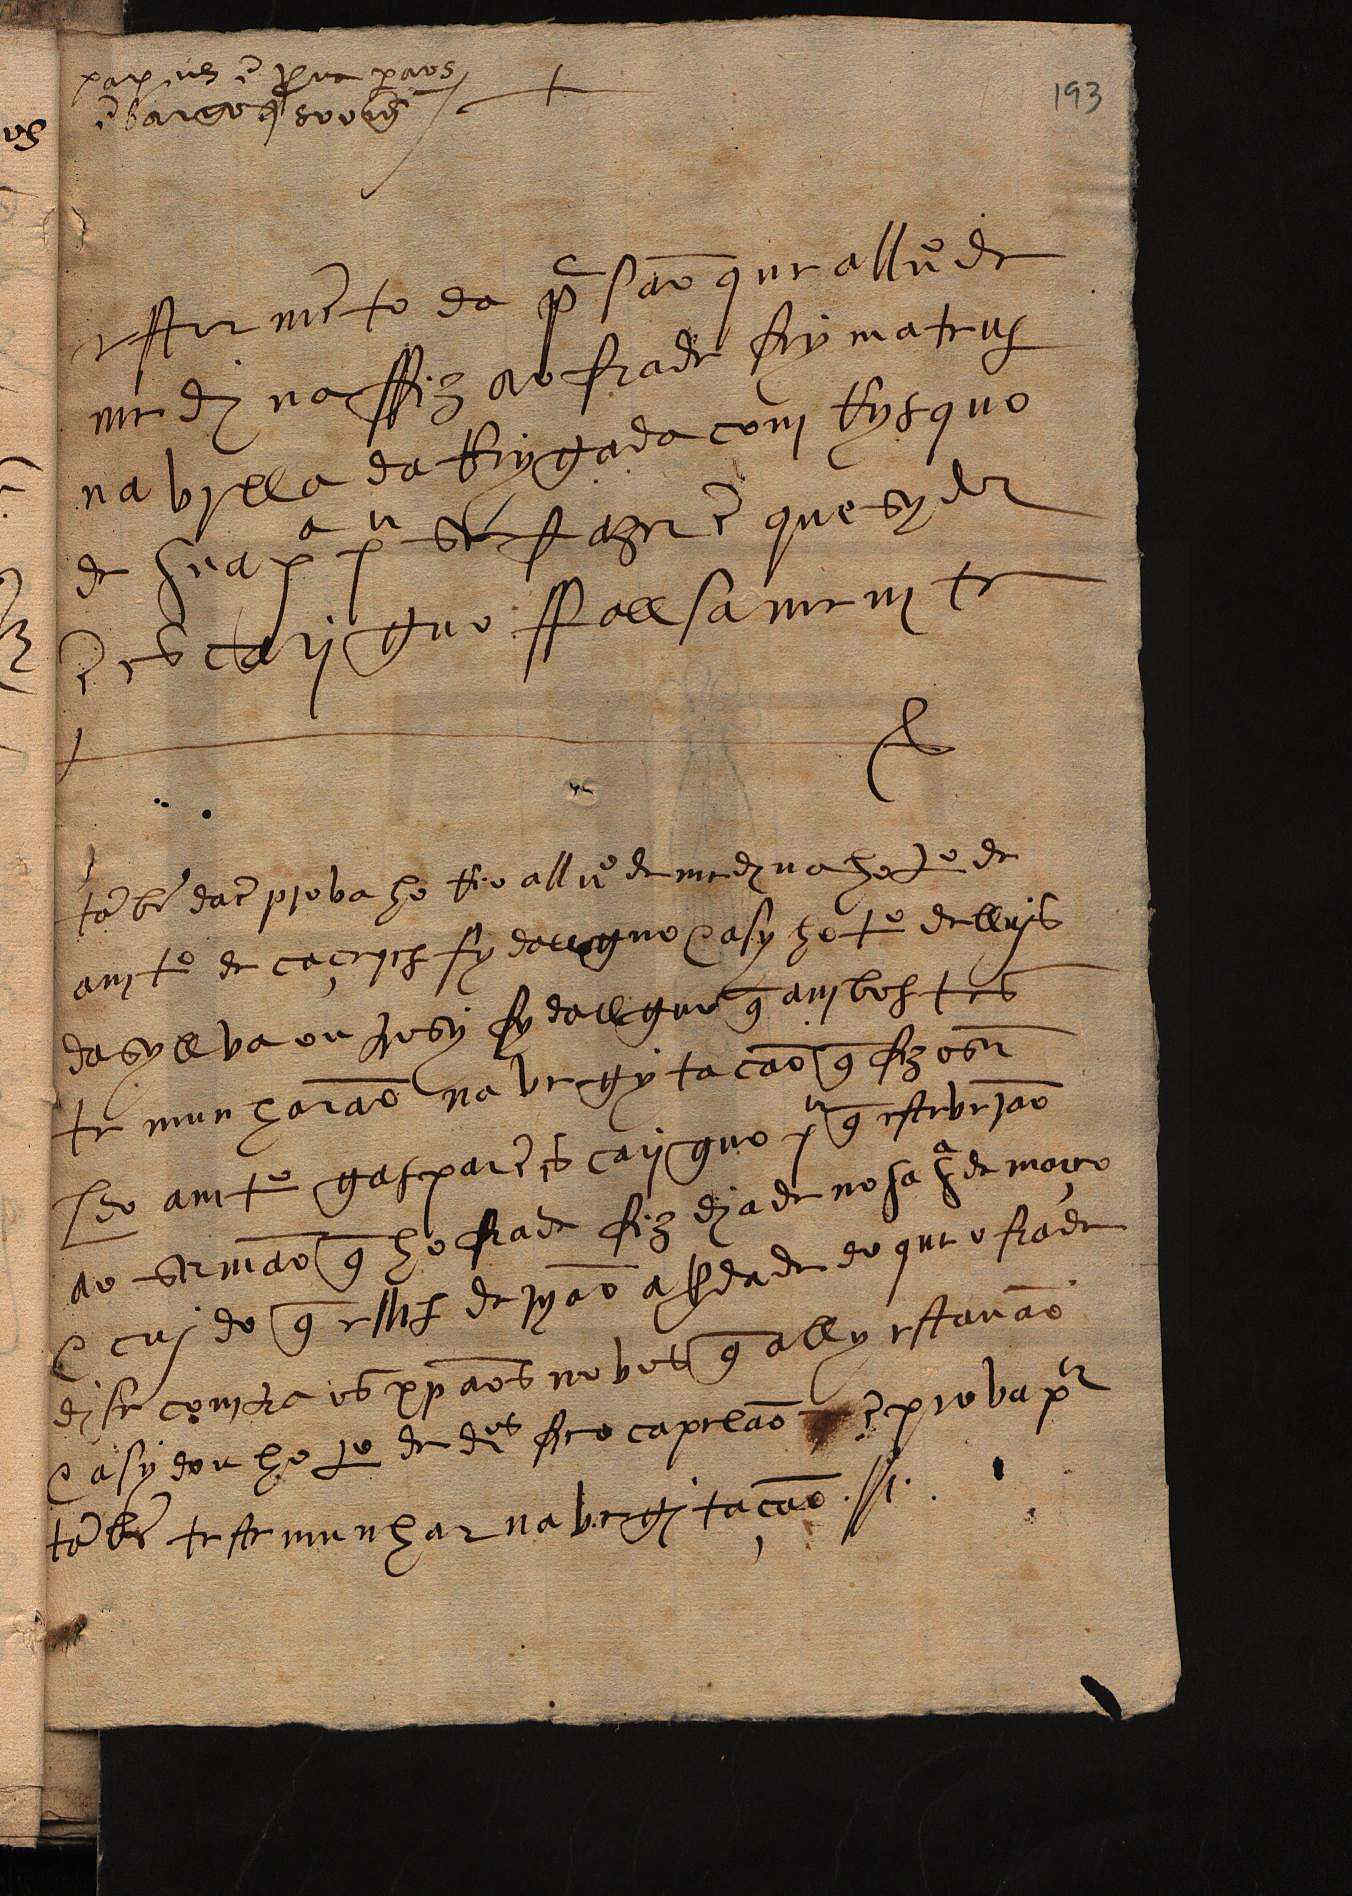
papeis ē ꝓua ꝑa os
ēbargos soomte
estormēto da p̄são que alluo de
medjna ffez ao frade frey mateus
na vjlla da Reygada com Rysquo
de sua pa pa se fazer ēquesydor
ē escarjguo ffallsamemte
tābē da ē prova ho Reo alluo de medjna ho to de
amto de caçeres fydallguo e asy ho to de llujs
da syllva outrosy fydallguo q̄ ambos tas
temunharão na vegytacão q̄ fez o sōr
Ldo amto gaspar ē escarjguo pa q̄ esteverão
ao sermão q̄ ho frade fez dja de nosa sa de março
e cujdo q̅ elles daryão a ꝟdade do que o frade
dise comtra os xpãos novos q̄ ally estauão
e asy dou ho to de dos frco capelão _ ē prova por
tābē testemunhar na vegjtação.
